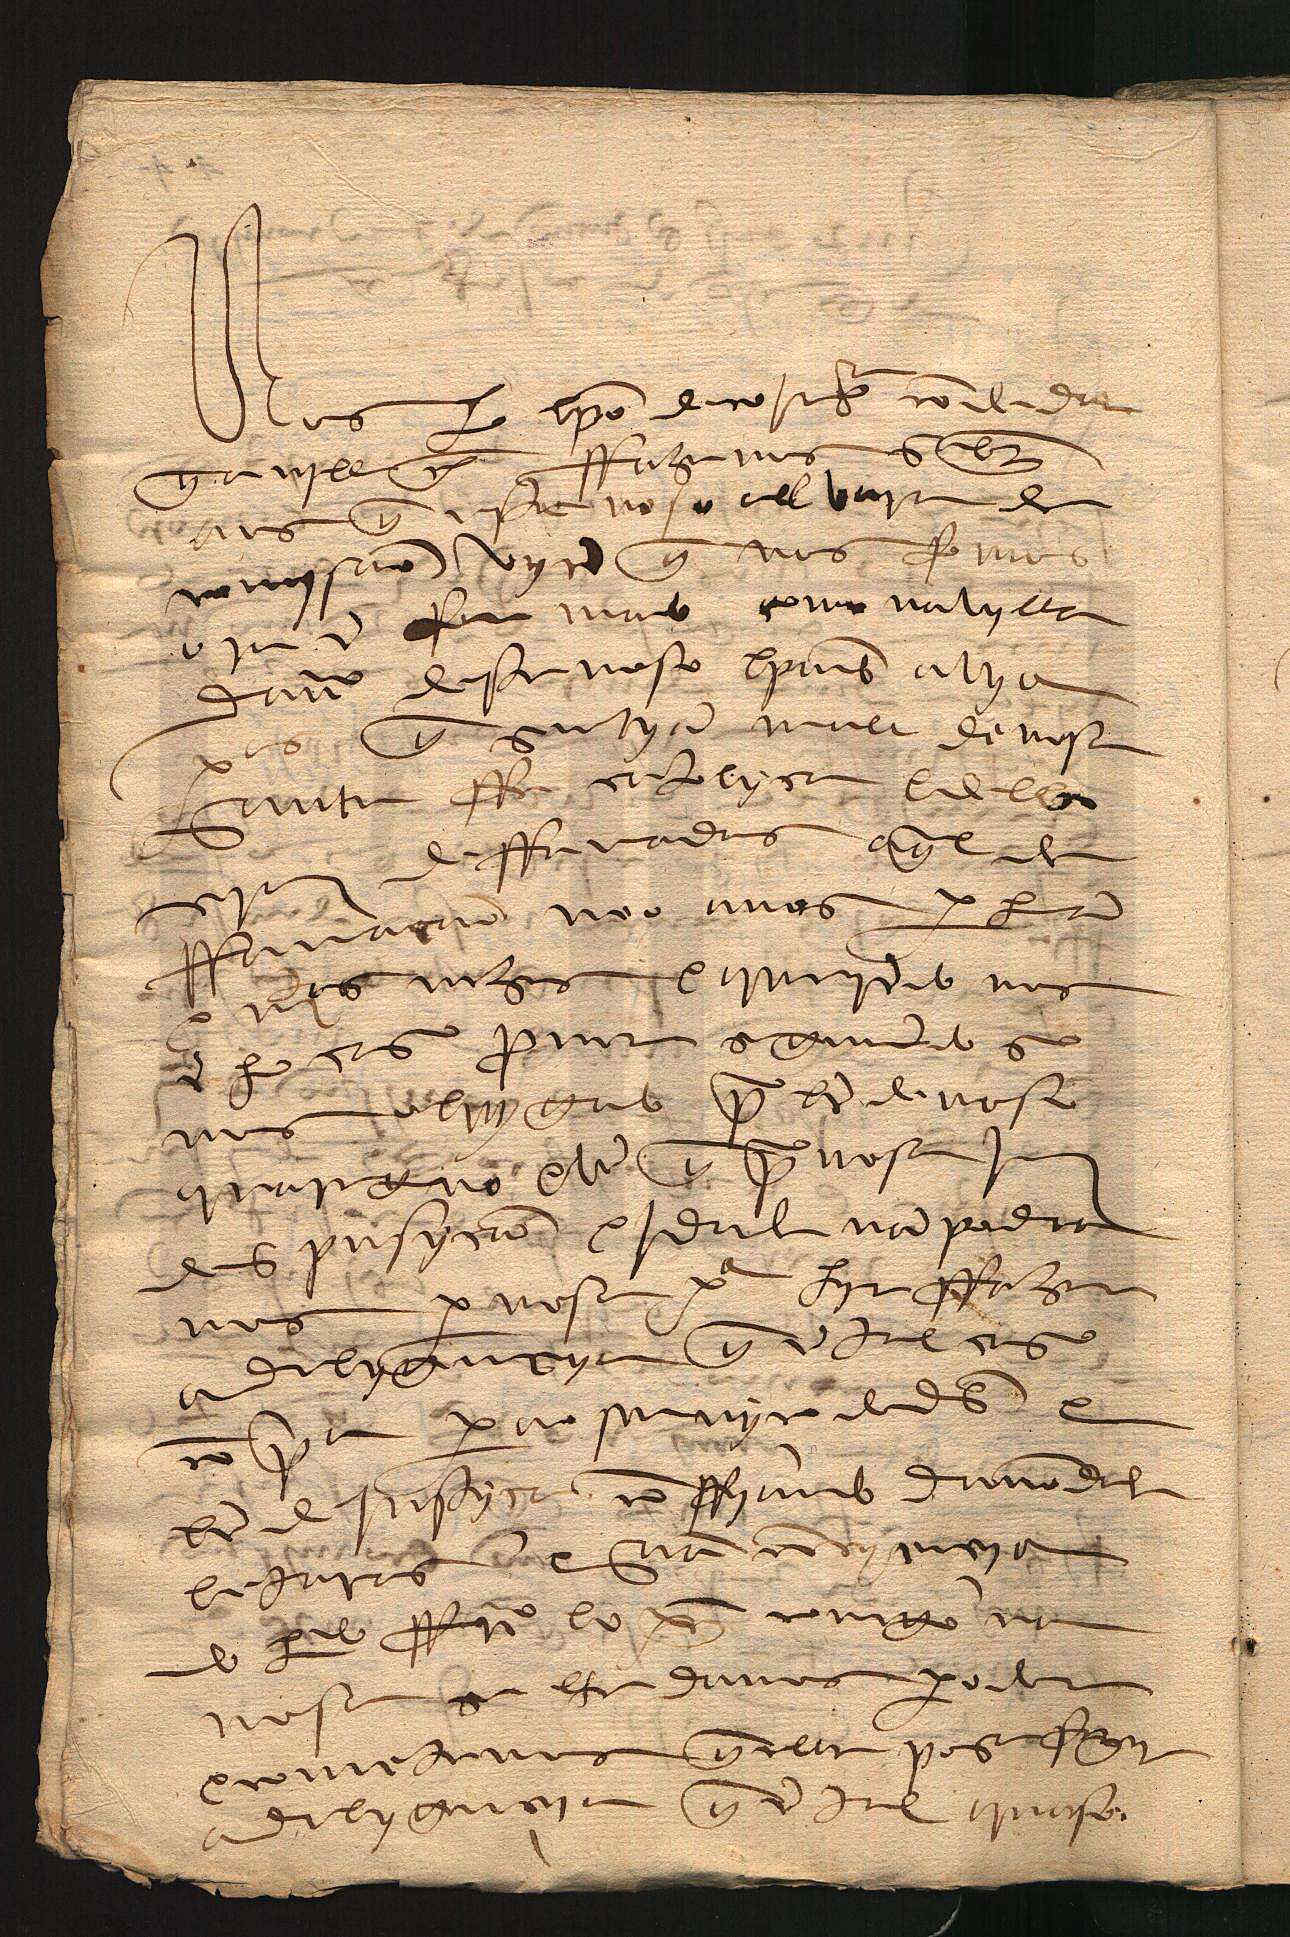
Nos ho bp̄o de coJmbra c̄ode dar
ganjll c̄ꝭ ffazemos sābr
aos q̄ este noso alluara de
comjsão vyrē q̄ nos fomos
ora ēformado como na vylla
dauro deste noso bpādo avya
pas q̄ sentyā mall de nosa
Santa ffe catolyca e dello
eram deffamadas a q̄l de
ffamacão ueo a nos ꝑ huā
e mtas uezes e querēndo nos
ē ho caso ꝓuer segūdo so
mos obrygado p̄o bē de noso
quareguo e vē q̄ p̄o nosa Jm
despusycão e Jdade nā podia
mos ꝑ nosa pa hyr ffazer
a dilygencya q̄ ē tal caso
c̄op̄a ꝑa o seruyço de ds̄ e
bē de Justyça c̄offyando da ūodade
letaras e saā c̄ocyençya
do Ldo ffrco lop̄z conigo na
nosa se lhe damos ꝑoder
e cometemos q̄ elle posa fazer
a dilygençya q̄ ē tal quaso
